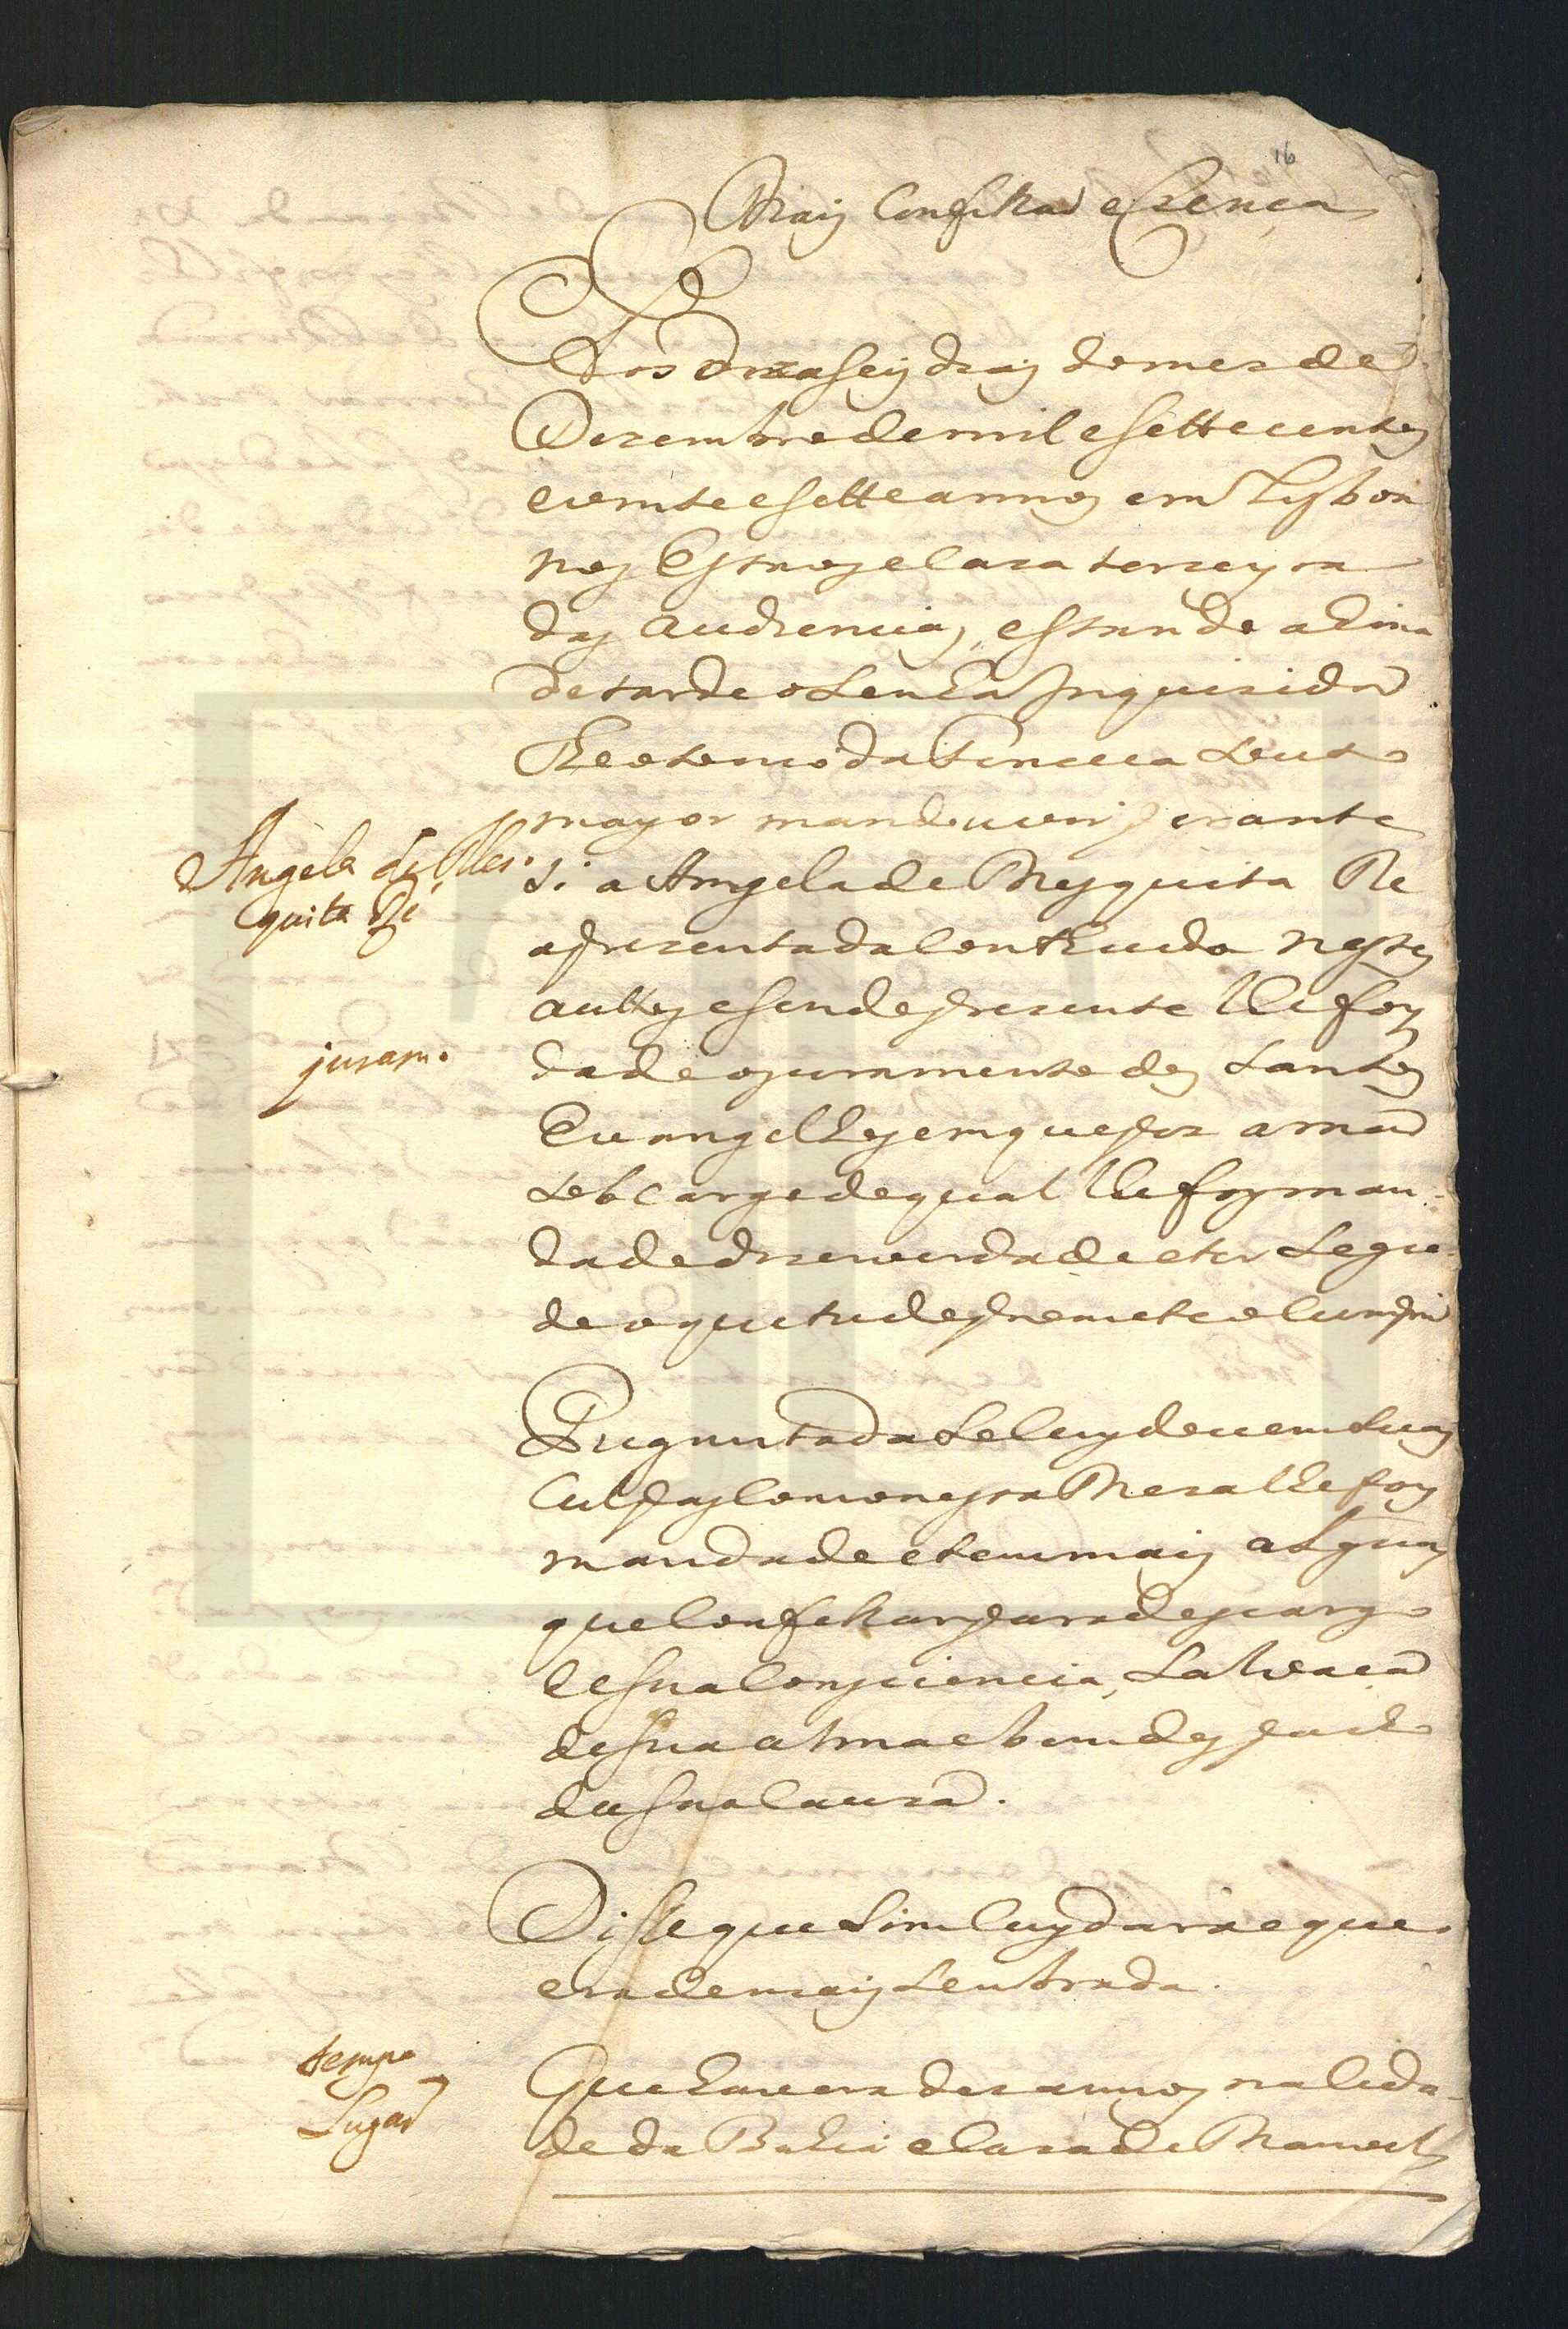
Angela de Mes
quita Ré
juram.
tempo
Lugar
Mais Confissaõ e Crença
Aos dezaseis dias do mes de
Dezembro de mil e settecentos
e vinte e sette annos em Lisboa
nos Estaos e caza terceyra
das audiencias, estando ahi na
de tarde o senhor Jnquizidor
Theotonio da Fonceca souto
mayor mandou vir perante
si a Angela de Mesquita Re
aprezentada Contheuda nestes
auttos e sendo prezente lhe foy
dado o juramento dos santos
Euangelhos em que poz a maõ
sob cargo do qual lhe foy man
dado dizer verdade e ter segre
do o que tudo prometeo cumprir
Perguntada se cuydou em suas
culpas como nesta Meza lhe foy
mandado e tem mais alguas
que confessar para descargo
de sua consciencia, salvaçaõ
de sua alma e bom despacho
da sua cauza.
Disse que sim cuydara e que
era de mais lembrada
Que hauera dez annos na cida
de da Bahia e caza de Manoel
